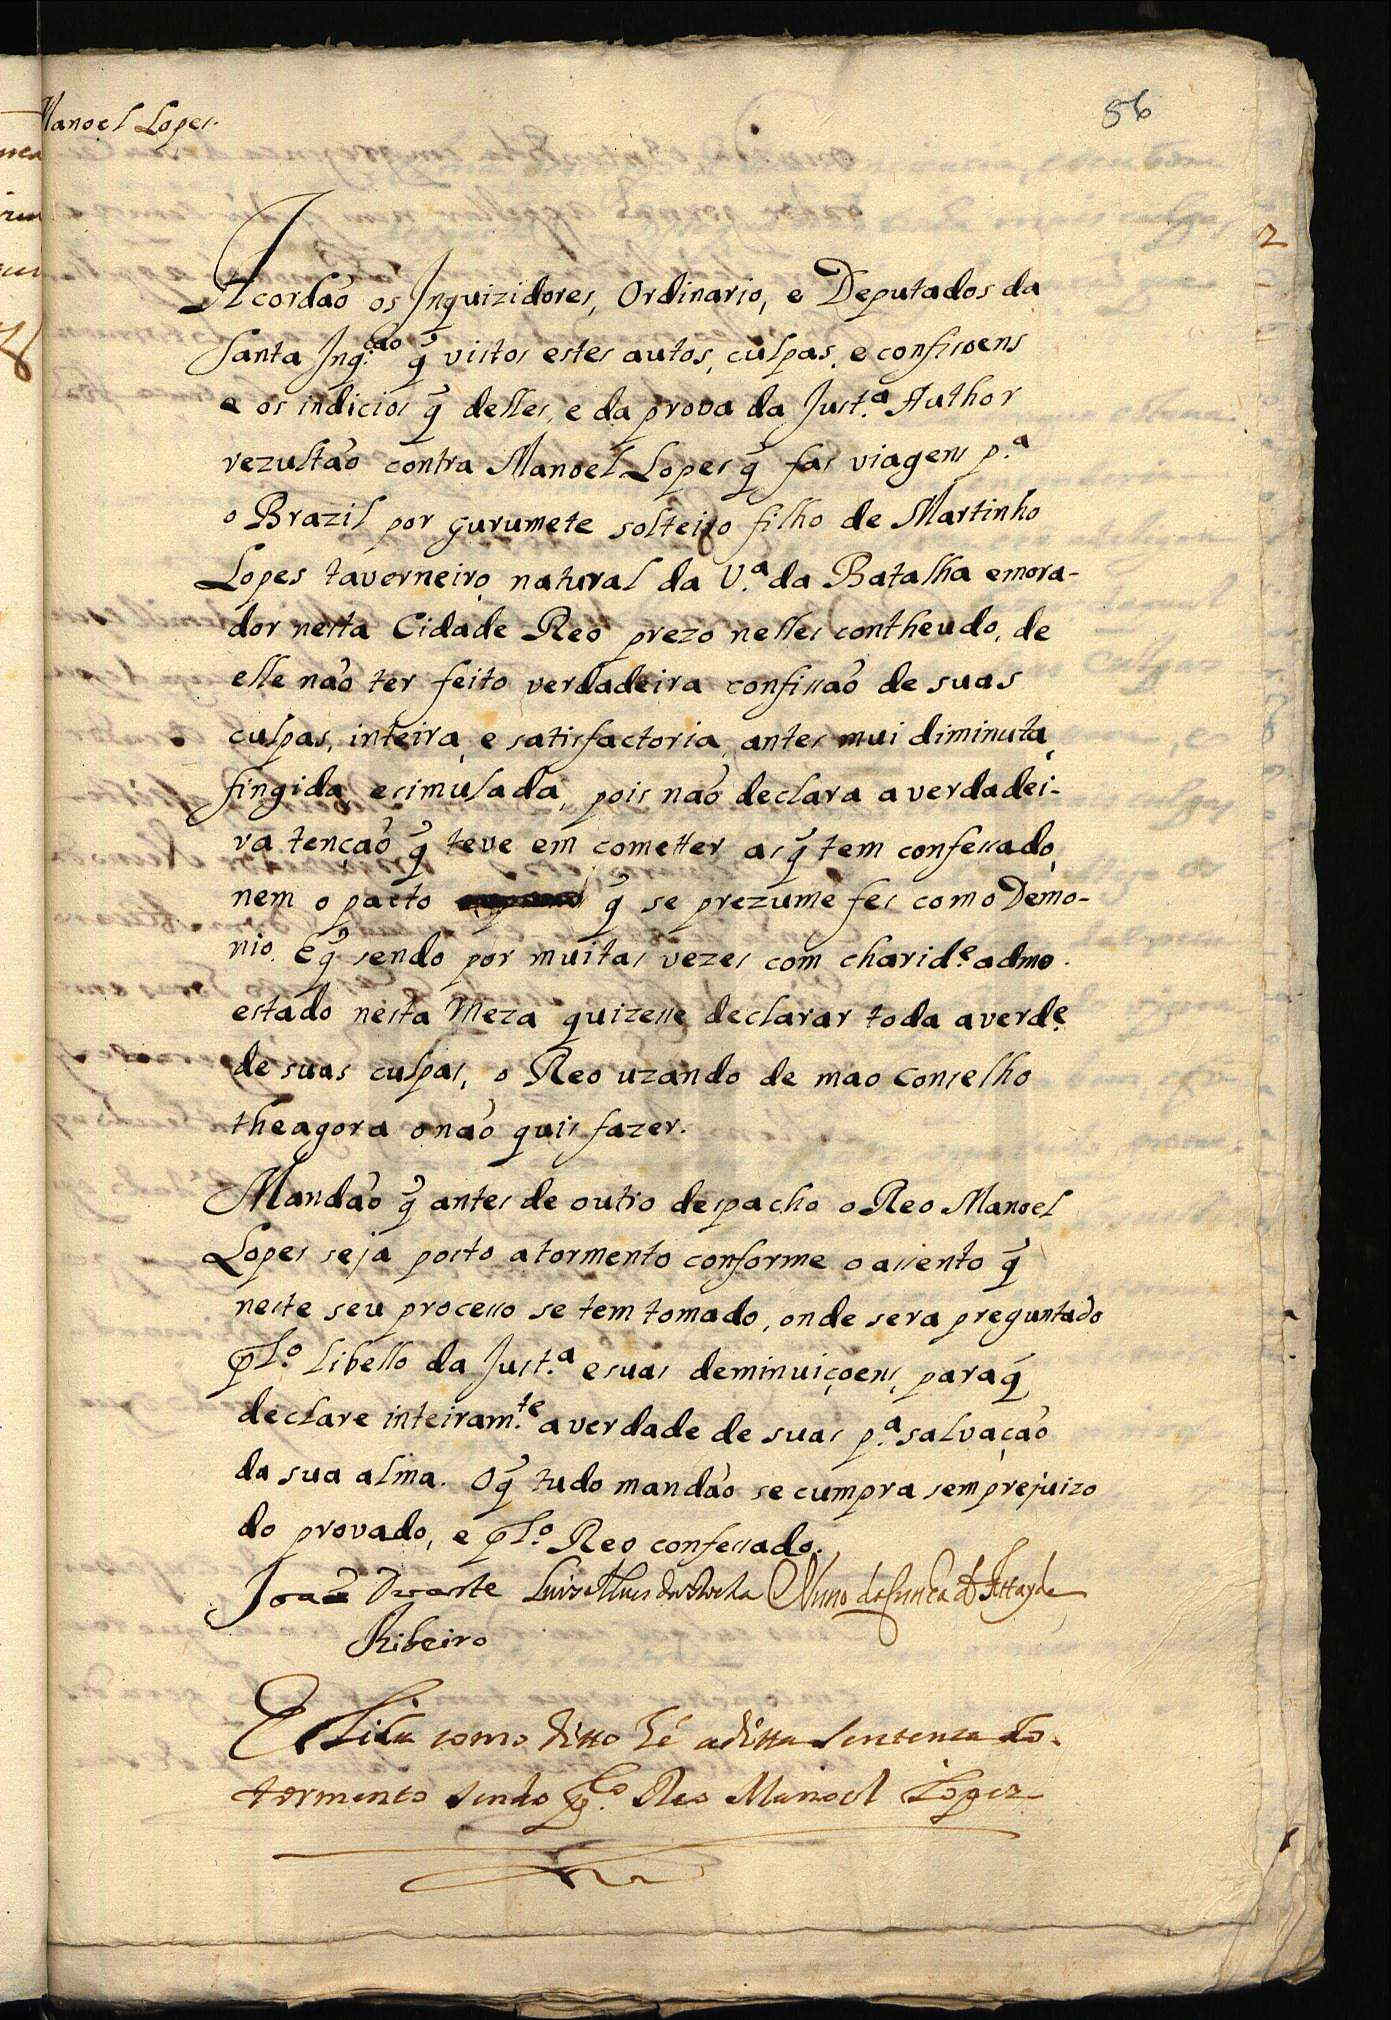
Manoel Lopes.
Acordaõ os Jnquizidores, Ordinario, e Deputados da
Santa Jnq.caõ q̄ vistos estes autos, culpas, e confisoens
e os indicios q̄ delles, e da prova da Just.a Author
rezultaõ contra Manoel Lopes q̄ fas viagens p.a
o Brazil por gurumete solteiro filho de Martinho
Lopes taverneiro, natural da V.a da Batalha e mora
dor nesta Cidade Reo prezo nelles contheudo, de
elle naõ ter feito verdadeira confissaõ de suas
culpas, inteira, e satisfactoria, antes mui diminuta,
fingida, e cimulada, pois naõ declara a verdadei
ra tençaõ q̄ teve em cometter as q̄ tem confessado,
nem o pacto _______ q̄ se prezume fes com o Demo
nio E q̄ sendo por muitas vezes com charid.e admo
estado nesta Meza quizesse declarar toda a verd.e
de suas culpas, o Reo uzando de mao conselho
the agora o naõ quis fazer.
Mandaõ q̄ antes de outro despacho o Reo Manoel
Lopes seja posto a tormento conforme o assento q̄
neste seu processo se tem tomado, onde sera preguntado
pl.o libello da Just.a e suas deminuiçoens, para q̄
declare inteiram.te a verdade de suas p.a salvaçaõ
da sua alma. O q̄ tudo mandaõ se cumpra sem prejuizo
do provado, e pl.o Reo confessado.
E lida como ditto hé a ditta sentença do
tormento sendo p.lo Reo Manoel Lopez
